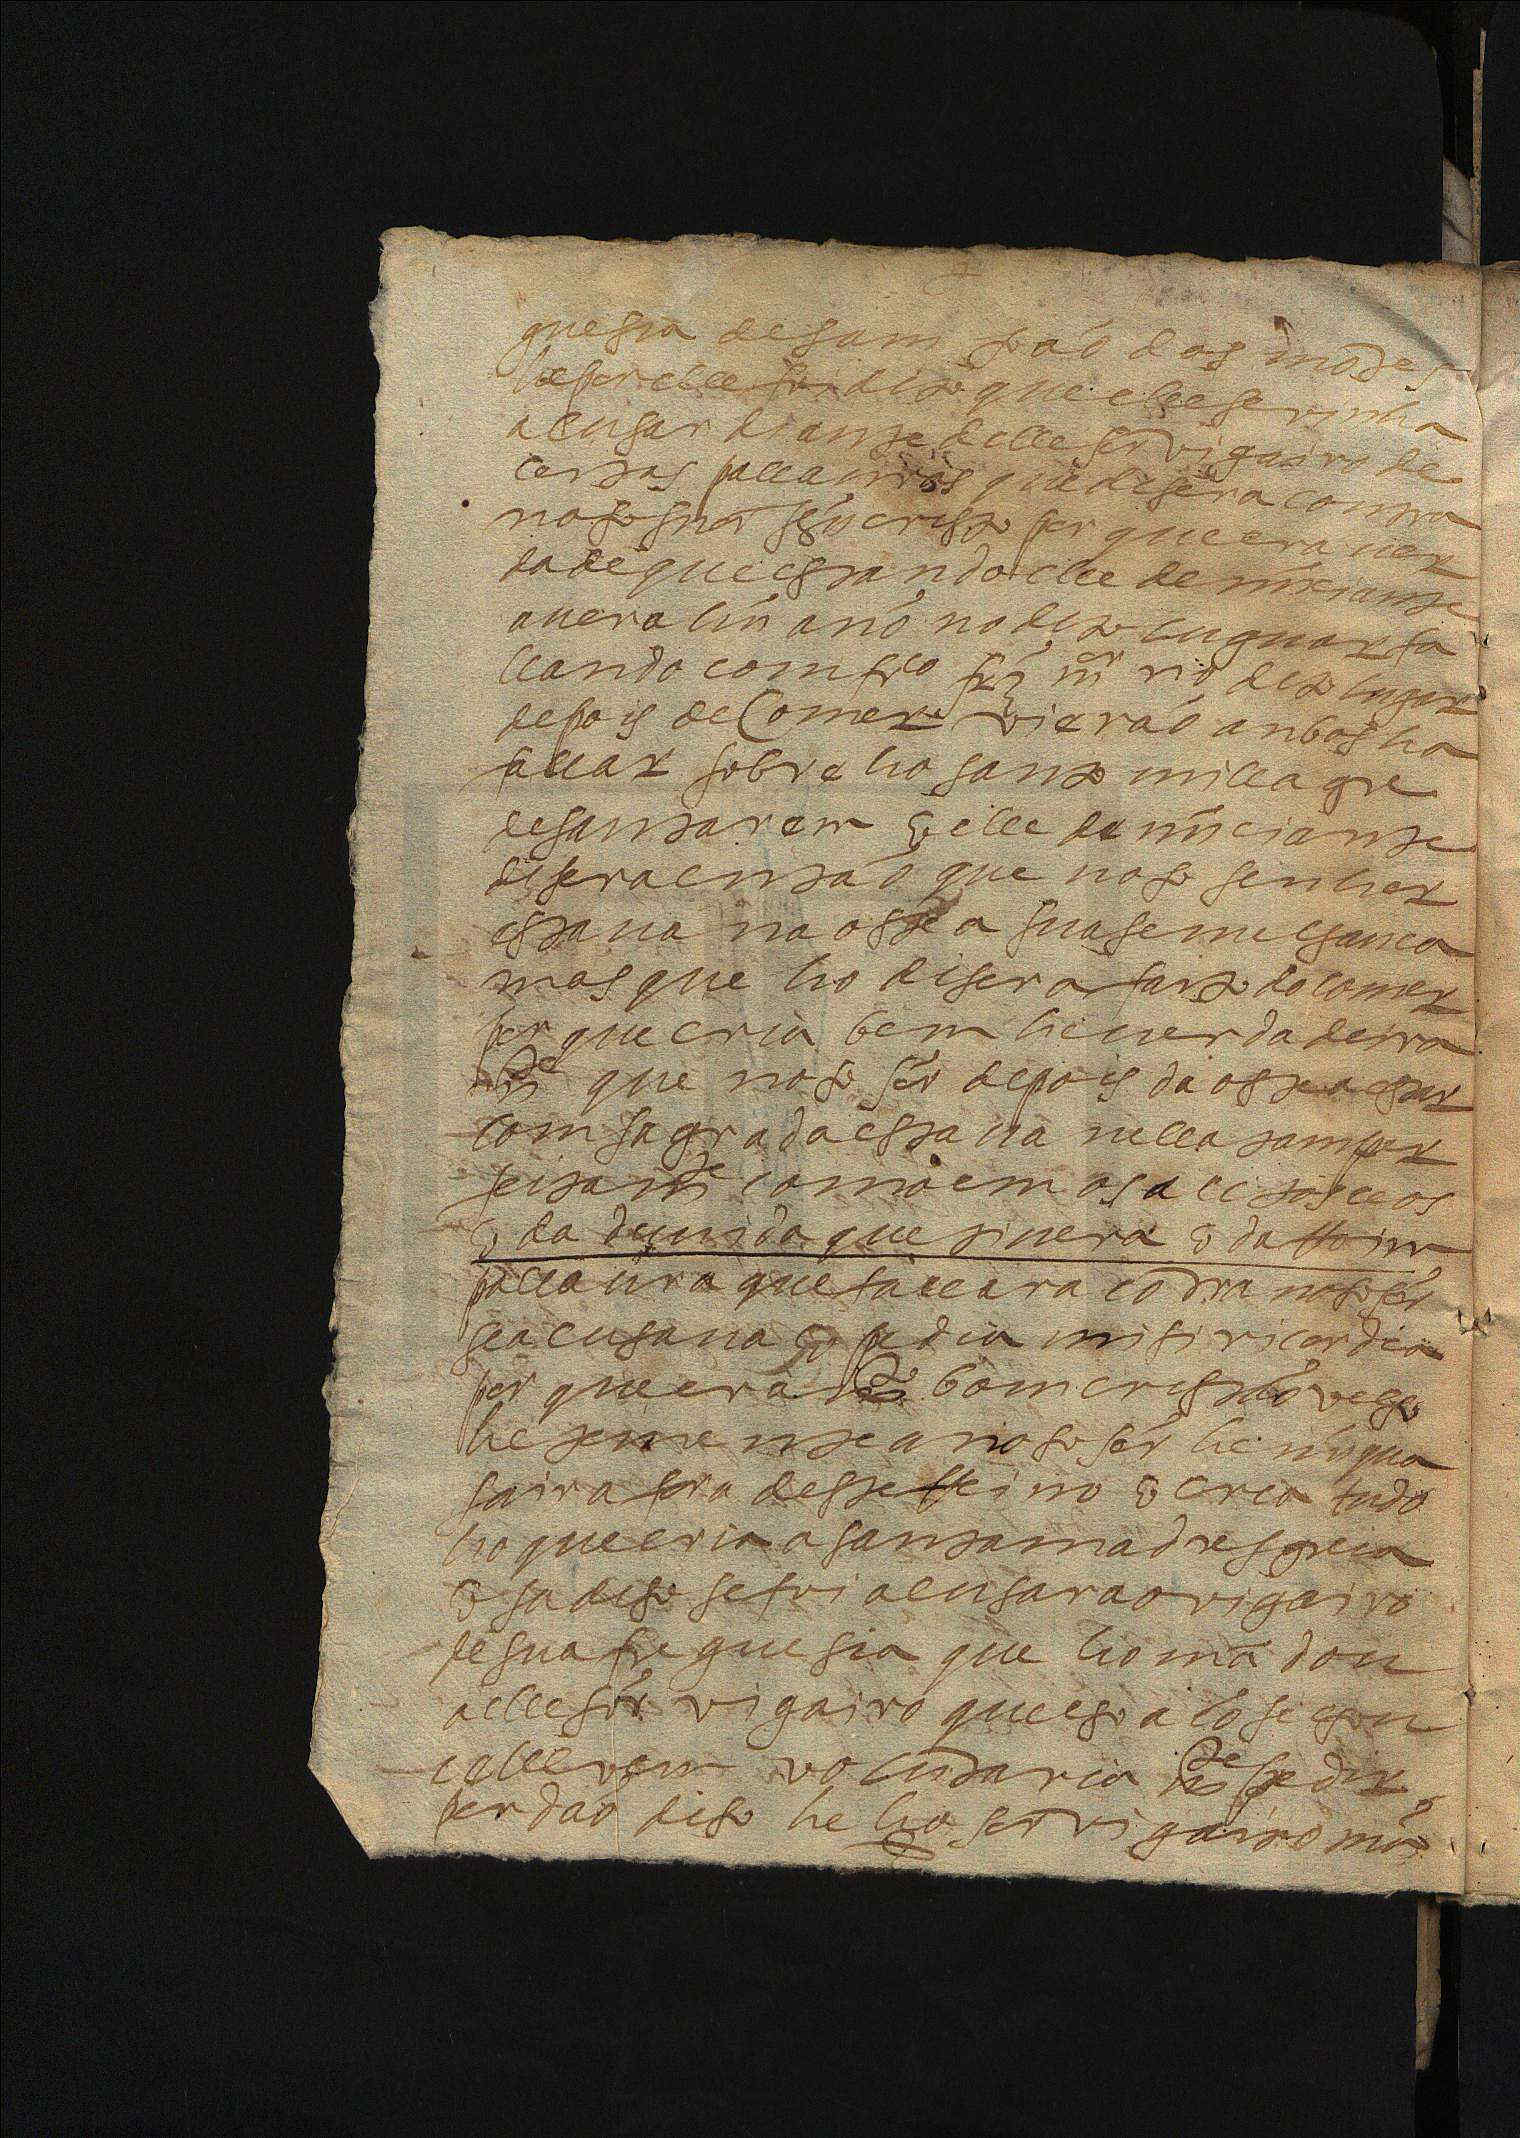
guesia de sam Joaõ dos mōtes
he por elle foi dito que elle se vinha
acusar diante delle sor̄ vigairo de
certas pallauras que disera contra
noso snor̄ Jhū cristo porque era uer
dade que estando elle denūciante
auera hū anō no dito luguar fa
llando com frco frz̄ mor no dito lugar
depois de Comer vieraõ anbos ha
fallar sobre ho santo millagre
de santarem & elle denūciante
disera entaõ que noso senhor
estaua na ostea sua semelhanca
mas que ho disera farto do comer
porque cria bem he uerdadeira
mte que noso sor̄ depois da ostea estar
comsagrada estaua nella tam per
feitamte como em os alltos ceos
& da duuida que tiuera & da Roim
pallaura que fallara cōtra noso sōr
se acusaua & pedia misiricordia
porque era mto bom cristaõ velho
he temente a noso sor̄ he nūqua
saira fora deste Reino & cria tudo
ho que cria a santa madre jgreia
& ja diso se foi acusar ao vigairo
de sua freguesia que ho mādou
a elle sor̄ vigairo que lho acōselhou
e elle vem volūtariamte pedir
perdaõ diso he ho sor̄ vigairo maõ
